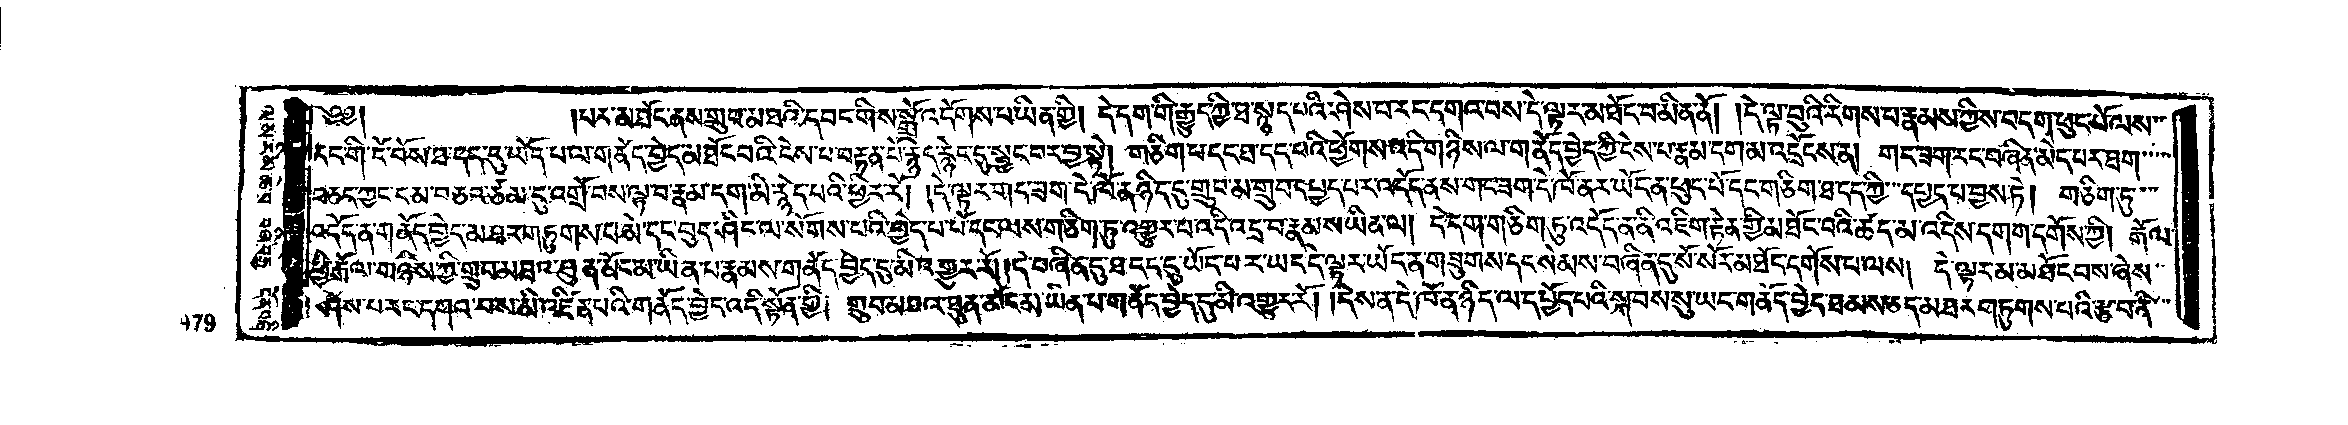༄༅། །པར་མཐོང་ནས་གྲུབ་མཐའི་དབང་གིས་སྒྲོ་འདོགས་པ་ཡིན་གྱི། དེ་དག་གི་རྒྱུད་ཀྱི་ཐ་སྙད་པའི་ཤེས་པ་རང་དགའ་བས་དེ་ལྟར་མཐོང་བ་མིན་ནོ། །དེ་ལྟ་བུའི་རིགས་པ་རྣམས་ཀྱིས་བདག་ཕུང་པོ་ལས་
རང་གི་ངོ་བོས་ཐ་དད་དུ་ཡོད་པ་ལ་གནོད་བྱེད་མཐོང་བའི་ངེས་པ་བརྟན་པོ་རྙེད་རྙེད་དུ་སྦྱང་བར་བྱ་སྟེ། གཅིག་པ་དང་ཐ་དད་པའི་ཕྱོགས་འདི་གཉིས་ལ་གནོད་བྱེད་ཀྱི་ངེས་པ་རྣམ་དག་མ་འདྲོངས་ན། གང་ཟག་རང་བཞིན་མེད་པར་ཐག་
བཅད་ཀྱང་དམ་བཅའ་ཙམ་དུ་འགྲོ་བས་ལྟ་བ་རྣམ་དག་མི་རྙེད་པའི་ཕྱིར་རོ། །དེ་ལྟར་གང་ཟག་དེ་ཁོ་ན་ཉིད་དུ་གྲུབ་མ་གྲུབ་དཔྱད་པར་འདོད་ནས་གང་ཟག་དེ་ཁོ་ནར་ཡོད་ན་ཕུང་པོ་དང་གཅིག་ཐ་དད་ཀྱི་དཔྱད་པ་བྱས་ཏེ། གཅིག་ཏུ་
འདོད་ན་གནོད་བྱེད་མཐར་གཏུགས་པ་མེ་དང་བུད་ཤིང་ལ་སོགས་པའི་བྱེད་པ་པོ་དང་ལས་གཅིག་ཏུ་འགྱུར་བ་འདི་འདྲ་བ་རྣམས་ཡིན་ལ། དེ་དག་གཅིག་ཏུ་འདོད་ན་ནི་འཇིག་རྟེན་གྱི་མཐོང་བའི་ཚད་མ་འདིས་དགག་དགོས་ཀྱི། རྒོལ་
ཕྱི་རྒོལ་གཉིས་ཀྱི་གྲུབ་མཐའ་ཐུན་མོང་མ་ཡིན་པ་རྣམས་གནོད་བྱེད་དུ་མི་འགྱུར་རོ། །དེ་བཞིན་དུ་ཐ་དད་དུ་ཡོད་པ་ལ་ཡང་དེ་ལྟར་ཡོད་ན་གཟུགས་དང་སེམས་བཞིན་དུ་སོ་སོར་མཐོང་དགོས་པ་ལས། དེ་ལྟར་མ་མཐོང་བས་ཞེས་
ཤེས་པ་རང་དགའ་བས་མི་འཛིན་པའི་གནོད་བྱེད་འདི་སྟོན་གྱི། གྲུབ་མཐའ་ཐུན་མོང་མ་ཡིན་པ་གནོད་བྱེད་དུ་མི་འགྱུར་རོ། །དེས་ན་དེ་ཁོ་ན་ཉིད་ལ་དཔྱོད་པའི་སྐབས་སུ་ཡང་གནོད་བྱེད་ཐམས་ཅད་མཐར་གཏུགས་པའི་རྩ་བ་ནི་